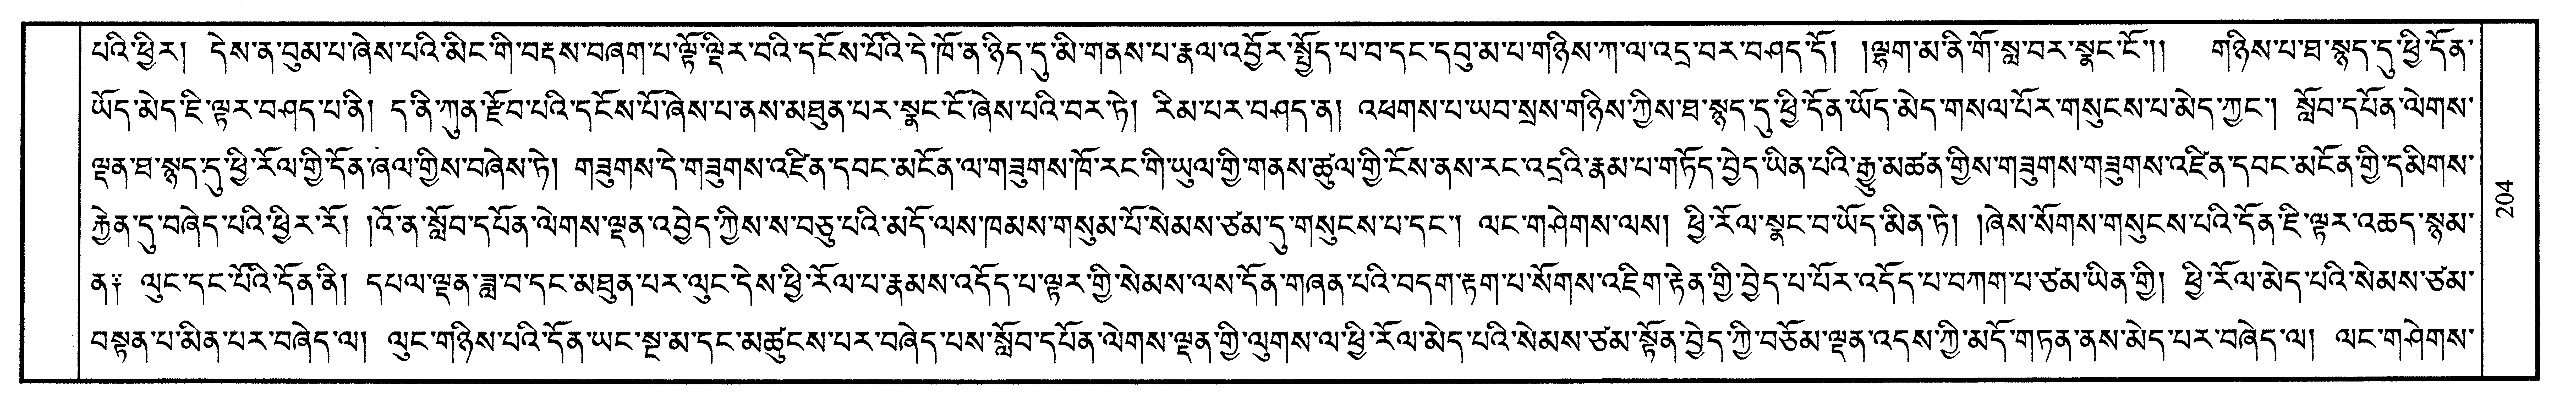པའི་ཕྱིར། དེས་ན་བུམ་པ་ཞེས་པའི་མིང་གི་བརྡས་བཞག་པ་ལྟོ་ལྡིར་བའི་དངོས་པོའི་དེ་ཁོ་ན་ཉིད་དུ་མི་གནས་པ་རྣལ་འབྱོར་སྤྱོད་པ་བ་དང་དབུ་མ་པ་གཉིས་ཀ་ལ་འདྲ་བར་བཤད་དོ། །ལྷག་མ་ནི་གོ་སླ་བར་སྣང་ངོ། །གཉིས་པ་ཐ་སྙད་དུ་ཕྱི་དོན་
ཡོད་མེད་ཇི་ལྟར་བཤད་པ་ནི། ད་ནི་ཀུན་རྫོབ་པའི་དངོས་པོ་ཞེས་པ་ནས་མཐུན་པར་སྣང་ངོ་ཞེས་པའི་བར་ཏེ། རིམ་པར་བཤད་ན། འཕགས་པ་ཡབ་སྲས་གཉིས་ཀྱིས་ཐ་སྙད་དུ་ཕྱི་དོན་ཡོད་མེད་གསལ་པོར་གསུངས་པ་མེད་ཀྱང་། སློབ་དཔོན་ལེགས་
ལྡན་ཐ་སྙད་དུ་ཕྱི་རོལ་གྱི་དོན་ཞལ་གྱིས་བཞེས་ཏེ། གཟུགས་དེ་གཟུགས་འཛིན་དབང་མངོན་ལ་གཟུགས་ཁོ་རང་གི་ཡུལ་གྱི་གནས་ཚུལ་གྱི་ངོས་ནས་རང་འདྲའི་རྣམ་པ་གཏོད་བྱེད་ཡིན་པའི་རྒྱུ་མཚན་གྱིས་གཟུགས་གཟུགས་འཛིན་དབང་མངོན་གྱི་དམིགས་
རྐྱེན་དུ་བཞེད་པའི་ཕྱིར་རོ། །འོ་ན་སློབ་དཔོན་ལེགས་ལྡན་འབྱེད་ཀྱིས་ས་བཅུ་པའི་མདོ་ལས་ཁམས་གསུམ་པོ་སེམས་ཙམ་དུ་གསུངས་པ་དང་། ལང་གཤེགས་ལས། ཕྱི་རོལ་སྣང་བ་ཡོད་མིན་ཏེ། ཞེས་སོགས་གསུངས་པའི་དོན་ཇི་ལྟར་འཆད་སྙམ་
ན༑ ལུང་དང་པོའི་དོན་ནི། དཔལ་ལྡན་ཟླ་བ་དང་མཐུན་པར་ལུང་དེས་ཕྱི་རོལ་པ་རྣམས་འདོད་པ་ལྟར་གྱི་སེམས་ལས་དོན་གཞན་པའི་བདག་རྟག་པ་སོགས་འཇིག་རྟེན་གྱི་བྱེད་པ་པོར་འདོད་པ་བཀག་པ་ཙམ་ཡིན་གྱི། ཕྱི་རོལ་མེད་པའི་སེམས་ཙམ་
བསྟན་པ་མིན་པར་བཞེད་ལ། ལུང་གཉིས་པའི་དོན་ཡང་སྔ་མ་དང་མཚུངས་པར་བཞེད་པས་སློབ་དཔོན་ལེགས་ལྡན་གྱི་ལུགས་ལ་ཕྱི་རོལ་མེད་པའི་སེམས་ཙམ་སྟོན་བྱེད་ཀྱི་བཅོམ་ལྡན་འདས་ཀྱི་མདོ་གཏན་ནས་མེད་པར་བཞེད་ལ། ལང་གཤེགས་